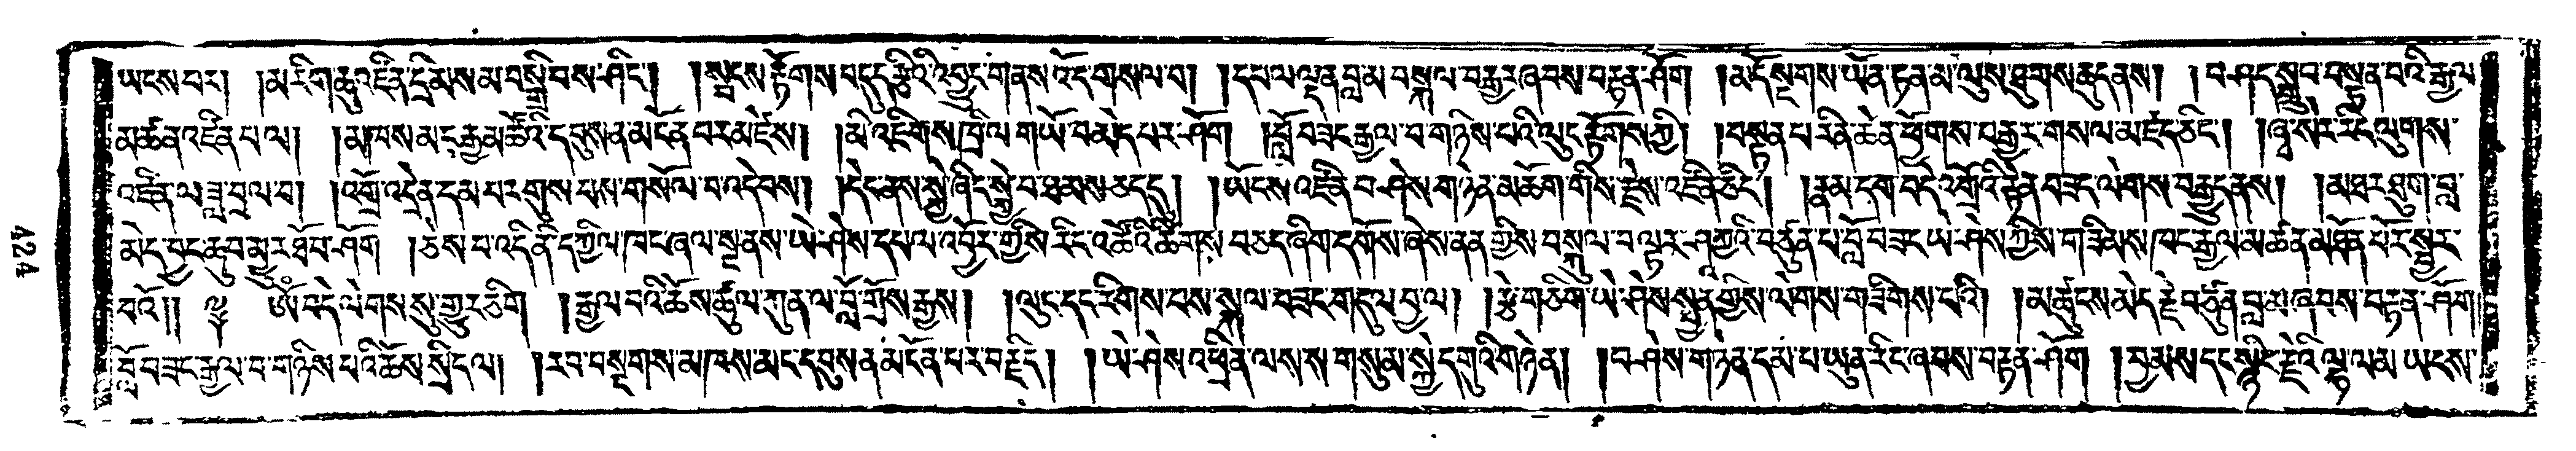ཡངས་བར། །མ་རིག་ཆུ་འཛིན་དྲི་མས་མ་བསྒྲིབས་ཤིང་། །སྦངས་རྟོགས་བདུད་རྩིའི་འབྱུང་གནས་འོད་གསལ་བ། །དཔལ་ལྡན་བླ་མ་བསྐལ་བརྒྱར་ཞབས་བརྟན་ཤོག །མདོ་སྔགས་ཡོན་ཏན་མ་ལུས་ཐུགས་ཆུད་ནས། །བཤད་སྒྲུབ་བསྟན་པའི་རྒྱལ་
མཚན་འཛིན་པ་ལ། །མཁས་མང་རྒྱ་མཚོའི་དབུས་ན་མངོན་བར་མཛེས། །མི་འཇིགས་ཁྲི་ལ་གཡོ་བ་མེད་པར་ཤོག །བློ་བཟང་རྒྱལ་བ་གཉིས་པའི་ལུང་རྟོགས་ཀྱི། །བསྟན་པ་རིན་ཆེན་ཕྱོགས་བརྒྱར་གསལ་མཛད་ཅིང་། །ཞྭ་སེར་རིང་ལུགས་
འཛིན་ལ་ཟླ་བྲལ་བ། །འགྲོ་འདྲེན་དམ་པར་གུས་པས་གསོལ་བ་འདེབས། །དེང་ནས་སྐྱེ་ཞིང་སྐྱེ་བ་ཐམས་ཅད་དུ། །ཡོངས་འཛིན་བཤེས་གཉེན་མཆོག་གིས་རྗེས་འཛིན་ཅིང་། །རྣམ་དག་བདེ་འགྲོའི་རྟེན་བཟང་ལེགས་བརྒྱུད་ནས། །མཐར་ཐུག་བླ་
མེད་བྱང་ཆུབ་མྱུར་ཐོབ་ཤོག །ཅེས་པ་འདི་ནི་དཀྱིལ་ཁང་ཞལ་སྔ་ནས་ཡེ་ཤེས་དཔལ་འབྱོར་གྱིས་རིང་འཚོའི་ཚིགས་བཅད་ཞིག་དགོས་ཞེས་ནན་གྱིས་བསྐུལ་བ་ལྟར་ཤཱཀྱའི་བཙུན་པ་བློ་བཟང་ཡེ་ཤེས་ཀྱིས་གཟིམས་ཁང་རྒྱལ་མཚན་མཐོན་པོར་སྦྱར་
བའོ།། ༈ ཨོཾ་བདེ་ལེགས་སུ་གྱུར་ཅིག །རྒྱལ་བའི་ཆོས་ཚུལ་ཀུན་ལ་བློ་གྲོས་རྒྱས། །ལུང་དང་རིགས་པས་སྐལ་བཟང་གདུལ་བྱ་ལ། །རྩེ་གཅིག་ཡེ་ཤེས་སྤྱན་གྱིས་ལེགས་གཟིགས་པའི། །མཚུངས་མེད་རྗེ་བཙུན་བླ་མ་ཞབས་བརྟན་ཤོག།
བློ་བཟང་རྒྱལ་བ་གཉིས་པའི་ཆོས་སྲིད་ལ། །རབ་བསྔགས་མཁས་མང་དབུས་ན་མངོན་པར་བརྗིད། །ཡེ་ཤེས་འཕྲིན་ལས་ས་གསུམ་སྐྱེ་དགུའི་གཉེན། །བཤེས་གཉེན་དམ་པ་ཡུན་རིང་ཞབས་བརྟན་ཤོག །བྱམས་པ་དང་སྙིང་རྗེའི་ལྷ་ལམ་ཡངས་